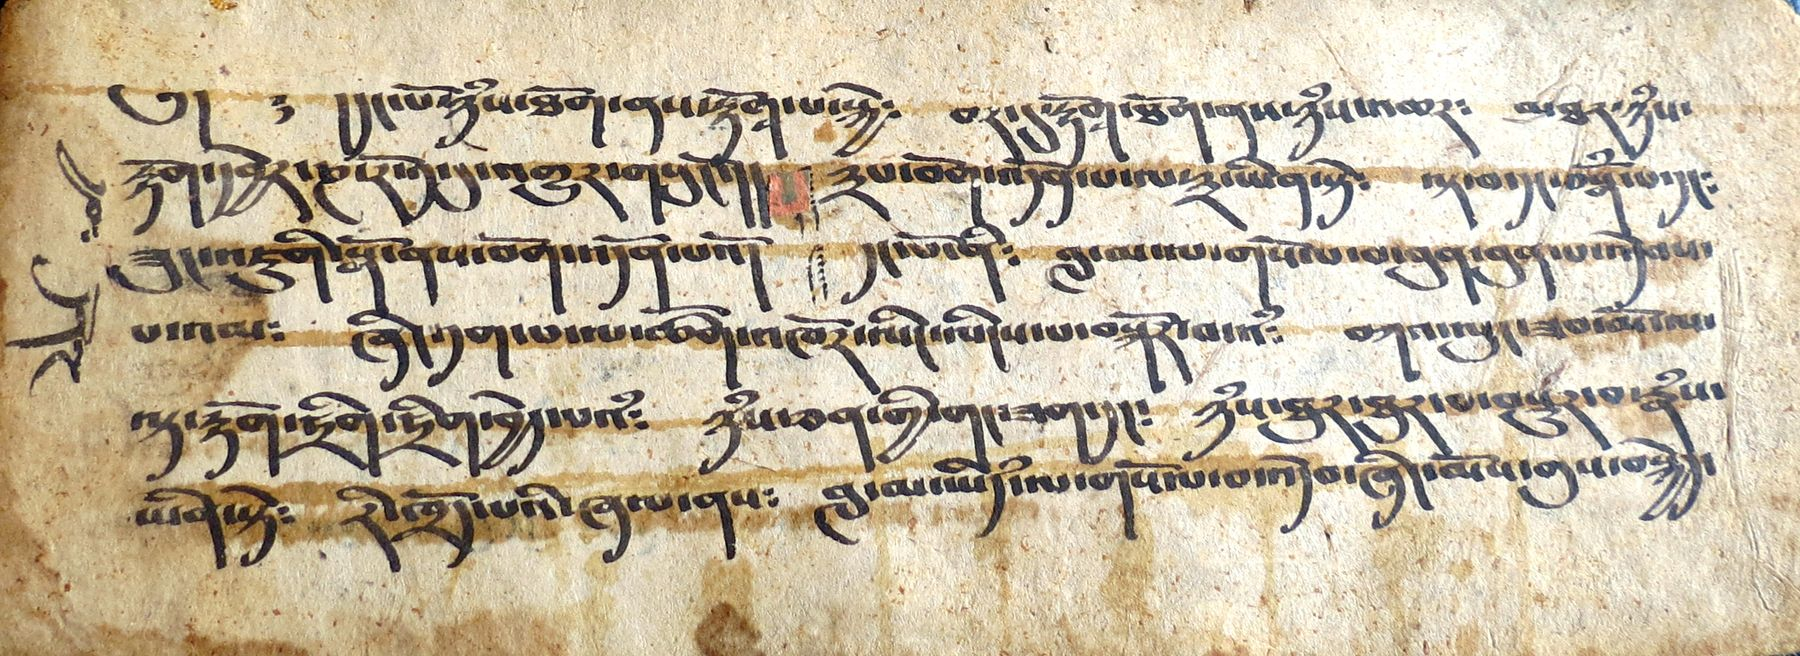དང་པོར་ཉམས་ཐོག་ནས་རྟོགས་པ་སྐྱེ། བར་དུ་རྟོགས་ཐོག་ནས་ཉམས་འཆར། མཐར་ཉམས་
རྟོགས་དབྱེར་མེད་རོ་གཅིག་ཏུ་འགྱུར་གསུངས་སོ། ། གསུམ་པ་བོགས་འདོན་པ་ལ་གསུམ་ཡིན་ཏེ། ལྟ་བ་དང་། སྒོམ་པ་དང་། 
ཟུང་འཇུག་གི་སྒོ་ནས་བོགས་འདོན་པའོ། ། དང་པོ་ནི། བླ་མ་ལ་གསོལ་བ་བུན་བུན་འདེབས་
པའམ། ཞིང་དག་པ་ལ་ཚོགས་འཁོར་ལིངས་ལིངས་བསྐོར་བའམ། བཀའ་ལུང་ཟབ་མོ་ལ་
ལྟ་རྟོག་ཧྲིག་ཧྲིག་བྱེད་པའམ། ཉམས་ཅན་གྱི་གང་ཟག་དང་ཉམས་ཐུར་ཐུར་བསྡུར་བ་རྣམས་
ཡིན་ཏེ། རི་ཁྲོད་པའི་ཞལ་ནས། བླ་མ་ཡི་དམ་ལ་གསོལ་བ་འདེབས་ཀྱིན་མོས་གུས་བསྐྱེད་